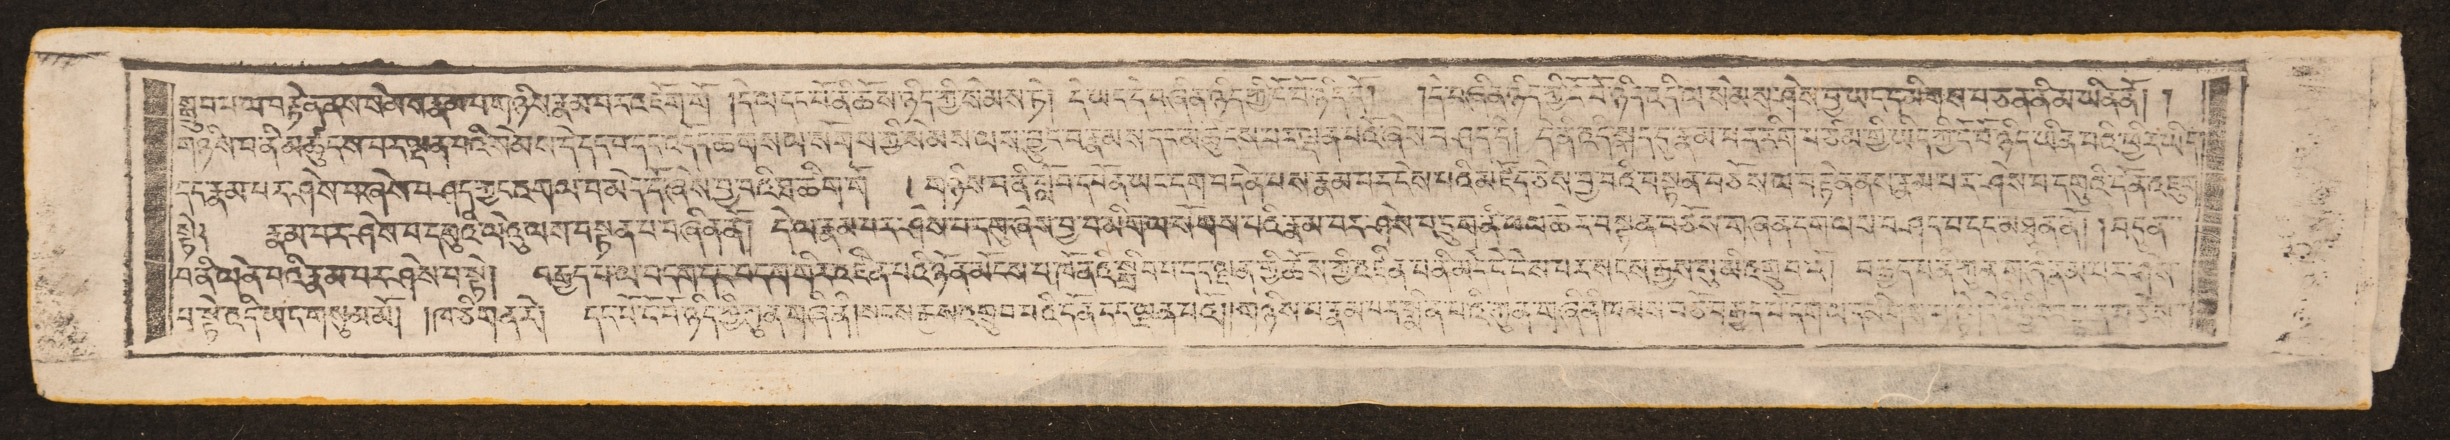སྒྲུབ་པ་ལ་བརྟེན་ནས་སེམས་རྣམ་པ་གཉིས་རྣམ་པར་འཇོག་གོ །དེ་ལ་དང་པོ་ནི་ཆོས་ཉིད་ཀྱི་སེམས་ཏེ། དེ་ཡང་དེ་བཞིན་ཉིད་ཀྱི་ངོ་བོ་ཉིད་དོ། །དེ་བཞིན་ཉིད་ཀྱི་ངོ་བོ་ཉིད་འདི་ལ་སེམས་ཤེས་བྱ་ཡང་དམིགས་པ་ཅན་ནི་མ་ཡིན་ནོ། །
གཉིས་པ་ནི་མཚུངས་པར་སྡན་པའི་སེམས་དེ་དང་བ་དང་འདོད་ཆགས་ལ་སོགས་ཀྱི་སེམས་ལས་བྱུང་བ་རྣམས་དང་མཚུངས་པར་ལྡན་པའོ་ཞེས་བཤད་དེ། དེ་ནི་འདི་སྐད་དུ་རྣམ་པར་རིག་པ་ཙམ་གྱི་ཡིད་ཀྱི་ངོ་བོ་ཉིད་ཡིན་པའི་ཕྱིར་ཡིད་
དང་རྣམ་པར་ཤེས་པ་ཞེས་བཤད་ཀྱང་འགལ་བ་མེད་དོ་ཞེས་བྱ་བའི་ཐ་ཚིག་གོ །གཉིས་པ་ནི་སློབ་དཔོན་ཡང་དག་བདེན་པས་རྣམ་པར་ངེས་པའི་མཛོད་ཅེས་བྱ་བའི་བསྟན་བཅོས་ལ་བརྟེན་ནས་རྣམ་པར་ཤེས་པ་དགུའི་དོན་འཇུག་
སྟེ། རྣམ་པར་ཤེས་པ་དགུའི་ལེའུ་ལས་བསྟན་པ་བཞིན་ནོ། དེ་ལ་རྣམ་པར་ཤེས་པ་དགུ་ཞེས་བྱ་བ་མིག་ལ་སོགས་པའི་རྣམ་པར་ཤེས་པ་དྲུག་ནི་ཕལ་ཆེར་བསྟན་བཅོས་གཞན་དག་ལས་བཤད་པ་དང་མཐུན་ནོ། །བདུན་
པ་ནི་ལེན་པའི་རྣམ་པར་ཤེས་པ་སྟེ། བརྒྱད་པ་ལ་བདག་དང་བདག་གིར་འཛིན་པའི་ཉོན་མོངས་པ་ཁོ་ནའི་སྒྲིབ་པ་དང་ལྡན་གྱི་ཆོས་ཀྱི་འཛིན་པ་ནི་མེད་དེ་ངེས་པར་སངས་རྒྱས་སུ་མི་འགྲུབ་པོ། བརྒྱད་པ་ནི་ཀུན་གཞི་རྣམ་པར་ཤེས་
པ་སྤྱི་འདི་ཡང་གསུམ་མོ། །ཁ་ཅིག་ན་རེ། དང་པོ་ངོ་བོ་ཉིད་ཀྱི་ཀུན་གཞི་ནི། སངས་རྒྱས་འགྲུབ་པའི་དོན་དང་ལྡན་པའོ། །གཉིས་པ་རྣམ་པར་སྨིན་པའི་ཀུན་གཞི་ནི་ཁམས་བཅོ་བརྒྱད་པོ་དག་ལ་དམིགས་པ་སྟེ། དེའི་ཕྱིར་བསྟན་བཅོས་